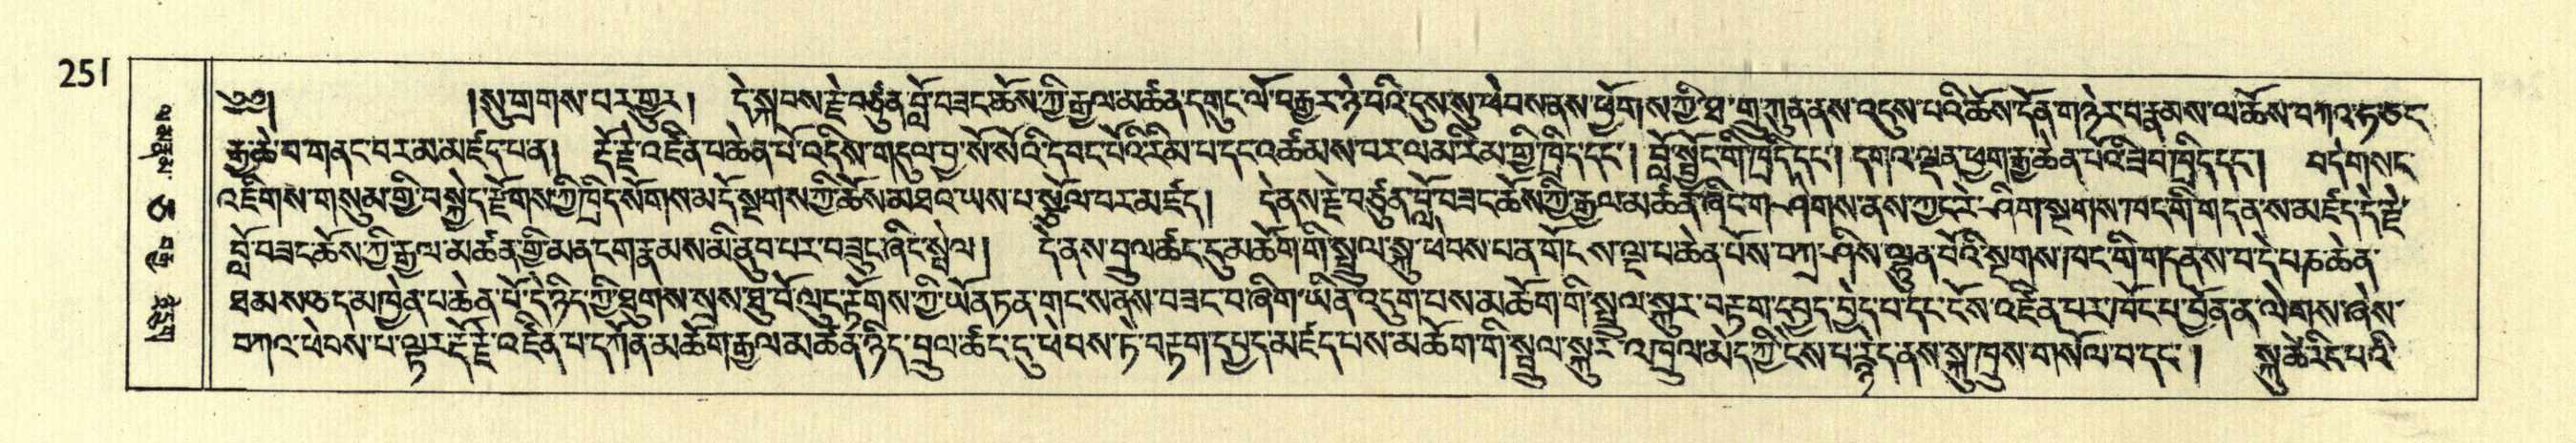༄༅། །སུ་གྲགས་པར་གྱུར། དེ་སྐབས་རྗེ་བཙུན་བློ་བཟང་ཆོས་ཀྱི་རྒྱལ་མཚན་དགུང་ལོ་བརྒྱར་ཉེ་བའི་དུས་སུ་ཕེབས་ནས་ཕྱོགས་ཀྱི་ཐ་གྲུ་ཀུན་ནས་འདུས་པའི་ཆོས་དོན་གཉེར་བ་རྣམས་ལ་ཆོས་བཀའ་ཧ་ཅང་
རྒྱ་ཆེ་བ་གནང་བར་མ་མཛད་པ་ན། རྡོ་རྗེ་འཛིན་པ་ཆེན་པོ་འདིས་གདུལ་བྱ་སོ་སོའི་དབང་པོའི་རིམ་པ་དང་འཚམས་པར་ལམ་རིམ་གྱི་ཁྲིད་དང་། བློ་སྦྱོང་གི་ཁྲིད་དང་། དགའ་ལྡན་ཕྱག་རྒྱ་ཆེན་པོའི་ཟབ་ཁྲིད་དང་། བདེ་གསང་
འཇིགས་གསུམ་གྱི་བསྐྱེད་རྫོགས་ཀྱི་ཁྲིད་སོགས་མདོ་སྔགས་ཀྱི་ཆོས་མཐའ་ཡས་པ་སྩོལ་བར་མཛད། དེ་ནས་རྗེ་བཙུན་བློ་བཟང་ཆོས་ཀྱི་རྒྱལ་མཚན་ཞིང་གཤེགས་ནས་ཀྱང་རེ་ཤིག་སྔགས་ཁང་གི་གདན་ས་མཛད་དེ་རྗེ་
བློ་བཟང་ཆོས་ཀྱི་རྒྱལ་མཚན་གྱི་མན་ངག་རྣམས་མི་ནུབ་པར་བཟུང་ཞིང་སྦེལ། དེ་ནས་བྲུལ་ཚང་དུ་མཆོག་གི་སྤྲུལ་སྐུ་ཕེབས་པ་ན་གོང་ས་ལྔ་པ་ཆེན་པོས་བཀྲ་ཤིས་ལྷུན་པོའི་སྔགས་ཁང་གི་གདན་ས་པ་དེ་པཎ་ཆེན་
ཐམས་ཅད་མཁྱེན་པ་ཆེན་པོ་དེ་ཉིད་ཀྱི་ཐུགས་སྲས་ཐུ་བོ་ལུང་རྟོགས་ཀྱི་ཡོན་ཏན་གང་ས་ནས་བཟང་བ་ཞིག་ཡིན་འདུག་པས་མཆོག་གི་སྤྲུལ་སྐུར་བརྟག་དབྱད་བྱེད་པ་དང་ངོས་འཛིན་པར་ཁོང་པ་བྱོན་ན་ལེགས་ཞེས་
བཀའ་ཕེབས་པ་ལྟར་རྡོ་རྗེ་འཛིན་པ་དཀོན་མཆོག་རྒྱལ་མཚན་ཉིད་བྲུལ་ཚང་དུ་ཕེབས་ཏེ་བརྟག་དཔྱད་མཛད་པས་མཆོག་གི་སྦྲུལ་སྐུར་འཁྲུལ་མེད་ཀྱི་ངེས་རྙེད་ནས་སྐུ་ཁྲུས་གསོལ་བ་དང་། སྐུ་ཚེ་རིང་པའི་